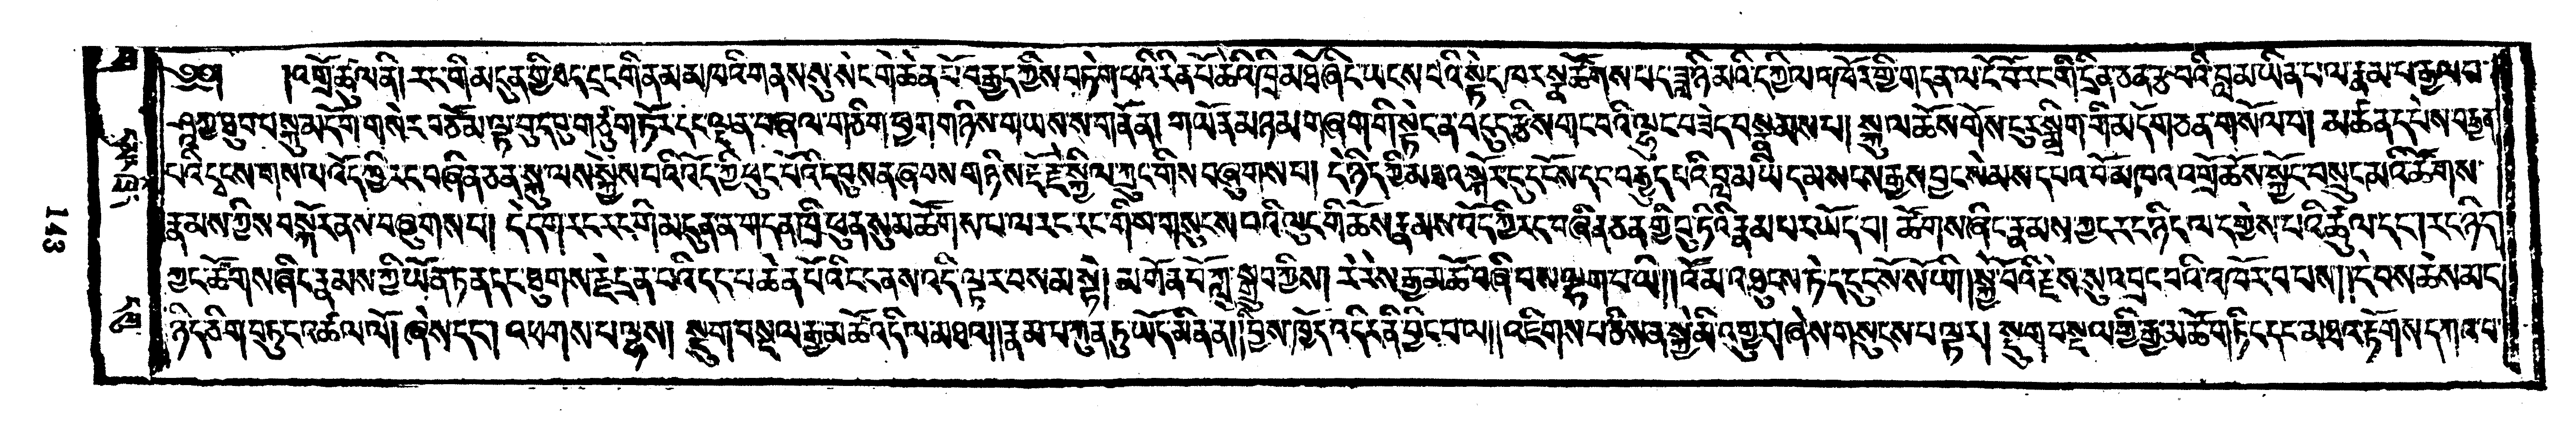༄༅། །འགྲོ་ཚུལ་ནི། རང་གི་མདུན་གྱི་ཐད་དྲང་གི་ནམ་མཁའི་གནས་སུ་སེང་གེ་ཆེན་པོ་བརྒྱད་ཀྱིས་བཏེག་པའི་རིན་པོ་ཆེའི་ཁྲི་མཐོ་ཞིང་ཡངས་པའི་སྟེང་ཁར་སྣ་ཚོགས་པད་ཟླ་ཉི་མའི་དཀྱིལ་འཁོར་གྱི་གདན་ལ་ངོ་བོ་རང་གི་དྲིན་ཅན་རྩ་བའི་བླ་མ་ཡིན་པ་ལ་རྣམ་པ་རྒྱལ་བ་
ཤཱཀྱ་ཐུབ་པ་སྐུ་མདོག་གསེར་བཅོམ་ལྟ་བུ་དབུ་གཙུག་ཏོར་དང་ལྡན་པ་ཞལ་གཅིག་ཕྱག་གཉིས་པ་གཡས་ས་གནོན། གཡོན་མཉམ་གཞག་གི་སྟེང་ན་བདུད་རྩིས་གང་བའི་ལྷུང་བཟེད་བསྣམས་པ། སྐུ་ལ་ཆོས་གོས་དུར་སྨྲིག་གི་མདོག་ཅན་གསོལ་བ། མཚན་དཔེས་བརྒྱན་
པའི་དྭངས་གསལ་འོད་ཀྱི་རང་བཞིན་ཅན་སྐུ་ལས་སྐྱེས་པའི་འོད་ཀྱི་ཕུང་པོའི་དབུས་ན་ཞབས་གཉིས་རྡོ་རྗེ་སྐྱིལ་ཀྲུང་གིས་བཞུགས་པ། དེ་ཉིད་ཀྱི་མཐའ་སྐོར་དུ་དངོས་དང་བརྒྱུད་པའི་བླ་མ་ཡི་དམ་སངས་རྒྱས་བྱང་སེམས་དཔའ་བོ་མཁའ་འགྲོ་ཆོས་སྐྱོང་བསྲུང་མའི་ཚོགས་
རྣམས་ཀྱིས་བསྐོར་ནས་བཞུགས་པ། དེ་དག་རང་རང་གི་མདུན་ན་གདན་ཁྲི་ཕུན་སུམ་ཚོགས་པ་ལ་རང་རང་གིས་གསུངས་པའི་ལུང་གི་ཆོས་རྣམས་འོད་ཀྱི་རང་བཞིན་ཅན་གྱི་བུ་ཏིའི་རྣམ་པར་ཡོད་པ། ཚོགས་ཞིང་རྣམས་ཀྱང་རང་ཉིད་ལ་དགྱེས་པའི་ཚུལ་དང་། རང་ཉིད་
ཀྱང་ཚོགས་ཞིང་རྣམས་ཀྱི་ཡོན་ཏན་དང་ཐུགས་རྗེ་དྲན་པའི་དད་པ་ཆེན་པོའི་ངང་ནས་འདི་ལྟར་བསམ་སྟེ། མགོན་པོ་ཀླུ་སྒྲུབ་ཀྱིས། རེ་རེས་རྒྱ་མཚོ་བཞི་པས་ལྷག་པ་ཡི། །འོ་མ་འཐུངས་ཏེ་ད་དུང་སོ་སོ་ཡི། །སྐྱེ་བོའི་རྗེས་སུ་འབྲང་བའི་འཁོར་བ་བས། །དེ་བས་ཆེས་མང་
ཉིད་ཅིག་བཏུང་འཚལ་ལོ། ཞེས་དང་། འཕགས་པ་ལྷས། སྡུག་བསྔལ་རྒྱ་མཚོ་འདི་ལ་མཐའ། །རྣམ་པ་ཀུན་ཏུ་ཡོད་མིན་ན། །བྱིས་ཁྱོད་འདིར་ནི་བྱིང་བ་ལ། །འཇིགས་པ་ཅིས་ན་སྐྱེ་མི་འགྱུར། །ཞེས་གསུངས་པ་ལྟར། སྡུག་བསྔལ་གྱི་རྒྱ་མཚོ་གཏིང་དང་མཐའ་རྟོགས་དཀའ་བ་